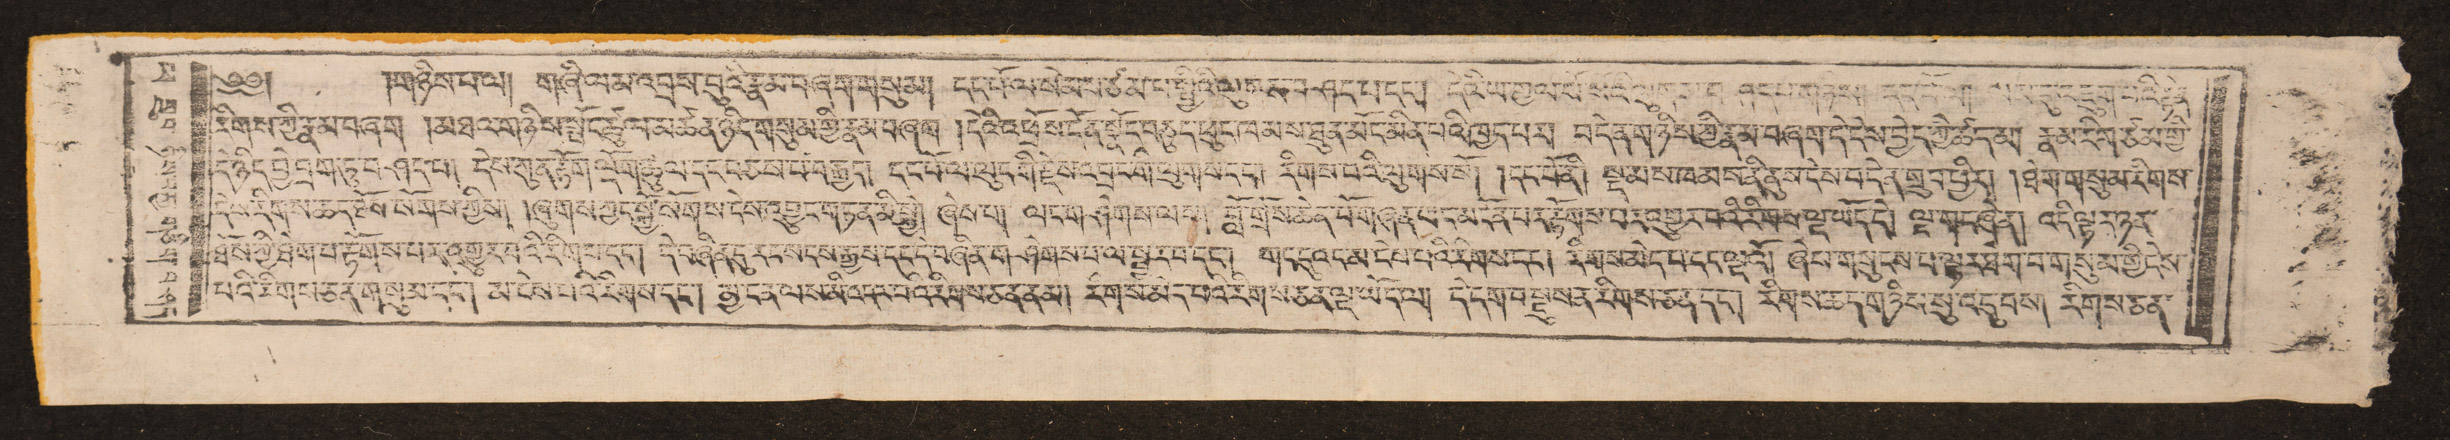༄༅། །གཉིས་པ་ལ། གཞི་ལམ་འབྲས་བུའི་རྣམ་བཞག་གསུམ། དང་པོ་ལ་སེམས་ཙམ་པ་སྤྱིའི་ལུགས་བཤད་པ་དང་། དེའི་ཡ་གྱལ་སོ་སོའི་ལུགས་བཤད་པ་གཉིས། དང་པོ་ལ། ལམ་དུ་འཇུག་པའི་རྟེན་
རིགས་ཀྱི་རྣམ་བཞག །མཐའ་གཉིས་སྤོང་ཚུལ་མཚན་ཉིད་གསུམ་གྱི་རྣམ་བཞག །དེའི་འཕྲོས་དོན་སྣོད་བཅུད་ཕུང་ཁམས་ཐུན་མོང་མིན་པའི་ཁྱད་པར། བདེན་གཉིས་ཀྱི་རྣམ་བཞག་དེ་དེས་བྱེད་ཀྱི་ཚད་མ། རྣམ་རིག་ཙམ་གྱི་
དེ་ཉིད་བྱེ་བྲག་ཏུ་བཤད་པ། དེས་ཀུན་རྟོག་ལྡོག་ཚུལ་དང་བཅས་པ་བརྒྱད། དང་པོ་ལ་ལུང་གི་རྗེས་འབྲང་གི་ལུགས་དང་། རིགས་པའི་ལུགས་སོ། །དང་པོ་ནི། སྔ་མས་ཁམས་ནི་ནུས་དེས་བདེན་གྲུབ་ཕྱིར། །ཐེག་གསུམ་རིགས་
དེས་རིགས་ཆད་ཐོས་སོགས་ཀྱིས། །ཞུགས་ཀྱང་སྐྱོ་སོགས་དེས་འབྱུང་གཏན་མི་སྐྱེ། ཞེས་པ། ལང་གཤེགས་ལས། བློ་གྲོས་ཆེན་པོ་གཞན་ཡང་མངོན་པར་རྟོགས་པར་འགྱུར་བའི་རིགས་ལྔ་ཡོད་དེ། ལྔ་གང་ཞེ་ན། འདི་ལྟར་ཉན་
ཐོས་ཀྱི་ཐེག་པ་རྟོགས་པར་འགྱུར་པའི་རིགས་དང་། དེ་བཞིན་དུ་རང་སངས་རྒྱས་དང་དེ་བཞིན་གཤེགས་པ་ལ་སྦྱར་བ་དང་། གང་དུའང་མ་ངེས་པའི་རིགས་དང་། རིགས་མེད་པ་དང་ལྔའོ། ཞེས་གསུངས་པ་ལྟར་ཐེག་པ་གསུམ་གྱི་དེས་
པའི་རིགས་ཅན་གསུམ་དང་། མ་ངེས་པའི་རིགས་དང་། མྱ་ངན་ལས་མི་འདའ་བའི་རིགས་ཅན་ནམ། རིགས་མེད་པའི་རིགས་ཅན་ལྔ་ཡོད་ལ། དེ་དག་བསྡུས་ན་རིགས་ཅན་དང་། རིགས་ཆད་གཉིས་སུ་འདུ་བས། རིགས་ཅན་